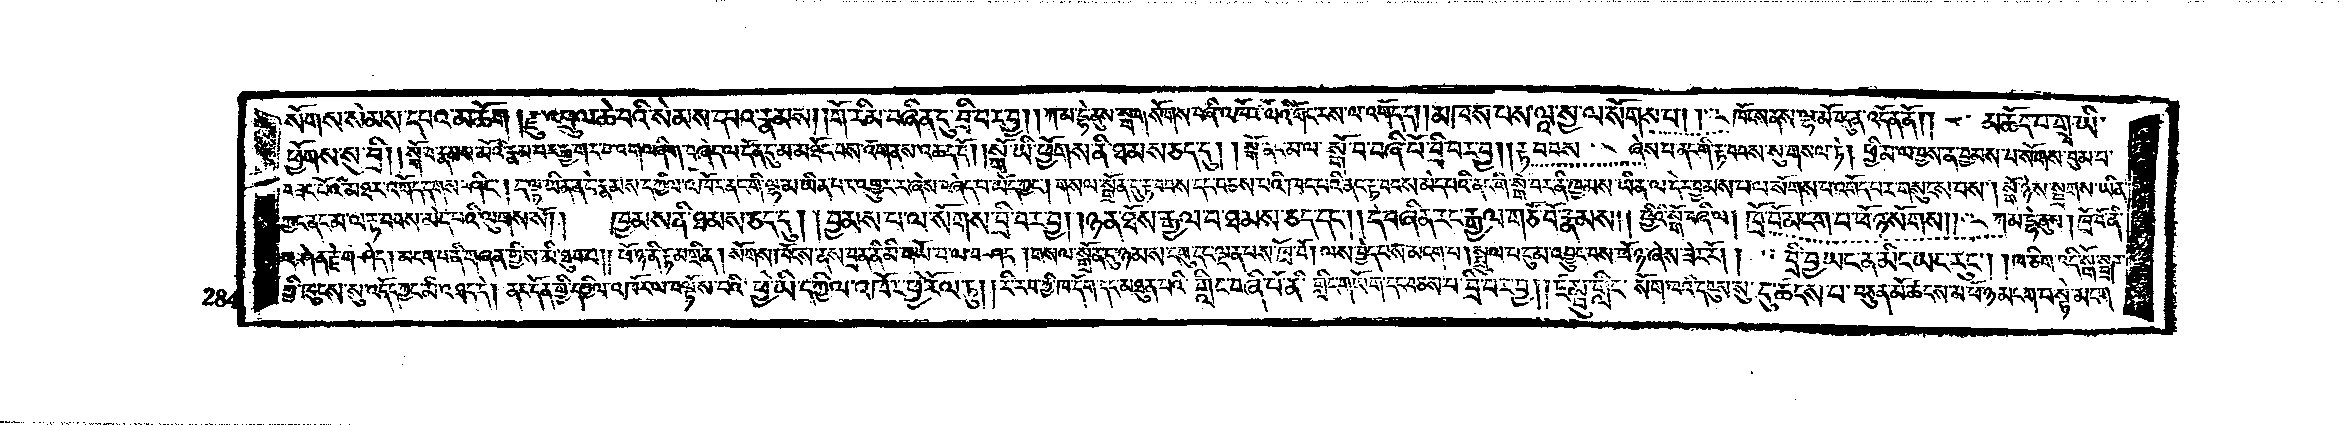སོགས་སེམས་དཔའ་མཆོག །རྫུ་འཕྲུལ་ཆེ་བའི་སེམས་དཔའ་རྣམས། །གོ་རིམ་བཞིན་དུ་བྲི་བར་བྱ། །ཀ་མ་དྷེ་ནུས་སྒག་སོགས་བཞི་འཁོར་ལོའི་གོང་རས་ལ་འགོད་དོ། །མཁས་པས་ལཱ་སཡ་ལ་སོགས་པ། །འཁོངས་ནས་ལྷ་མོ་བདུན་འདོན་ནོ། །མཆོད་པ་གྲྭ་ཡི་
ཕྱོགས་སུ་བྲི། །སྒོ་བ་རྣམས་མོའི་རྣམ་པར་རྒྱ་གར་བ་འགའ་ཞིག་བཞེད་ལ་དོན་དུ་མ་མཐོང་བས་འོག་ནས་འཆད་དོ། །སྒོ་ཡི་ཕྱོགས་ནི་ཐམས་ཅད་དུ། །སྒོ་ནང་མ་ལ་སྒོ་བ་བཞི་པོ་བྲི་བར་བྱ། །རྟ་བབས་ཞེས་པ་ནང་གི་རྟ་བབས་སུ་གསལ་ཏེ། ཕྱི་མ་ལ་བྱས་ན་བྱམས་པ་སོགས་བུམ་པ་
བཟང་པོའི་མཐར་འགོད་དགས་ཤིང་། དེ་ལྟ་ཡིན་ན་དེ་རྣམས་དཀྱིལ་འཁོར་ནང་གི་ལྷ་མ་ཡིན་པར་འགྱུར་རོ་ཞེས་བཞེད་པ་ཡོད་ཀྱང་། གསལ་སྒྲོན་དུ་རྟ་བབས་དང་བཅས་པའི་ཁང་པའི་ནང་རྟ་བབས་མེད་པའི་ནང་གི་སྒོ་བར་ནི་ཁྱམས་ཡིན་ལ་དེར་བྱམས་པ་ལ་སོགས་པ་འགོད་པར་གསུངས་པས། སྒོ་ཉིས་སྦྲགས་ཡིན་
ཀྱང་ནང་མ་ལ་རྟ་བབས་མེད་པའི་ལུགས་སོ། །ཁྱམས་ནི་ཐམས་ཅད་དུ། །བྱམས་པ་ལ་སོགས་བྲི་བར་བྱ། །ཉན་ཐོས་རྒྱལ་བ་ཐམས་ཅད་དང་། །དེ་བཞིན་རང་རྒྱལ་གཙོ་བོ་རྣམས། །ཕྱིའི་སྒོ་བཞི་ལ། ཁྲོ་བོ་མངག་པ་ཕོ་ཉ་སོགས། །ཀ་མ་དྷེ་ནུས། ཁྲོ་བོ་ནི་
གཤིན་རྗེ་གཤེད། མངག་པ་ནི་གཞན་གྱིས་མི་ཐུབ་པ། །ཕོ་ཉ་ནི་རྟ་མགྲིན། སོགས་ཁོངས་ནས་བྲན་ནི་མི་གཡོ་བ་ལ་བཤད། གསལ་སྒྲོན་དུ་ཉམས་དགུ་དང་ལྡན་པས་ཁྲོ་བོ། ལས་བྱེད་པས་མངག་པ། སྤྲུལ་པ་དུ་མ་འབྱུང་བས་ཕོ་ཉ་ཞས་ཟེར་རོ། །བྲི་བྱ་ཡང་ན་མིང་ཡང་རུང་། །ཁ་ཅིག་འདི་སྒོ་སྒྲགས་
ཀྱི་ཁུངས་སུ་འདོད་ཀྱང་མི་འཐད་དེ། ནང་དོན་གྱི་དཀྱིལ་འཁོར་ལ་བལྟོས་པའི་ཕྱི་ཡི་དཀྱིལ་འཁོར་ཕྱི་རོལ་ཏུ། །རི་རབ་ཀྱི་ཁ་དོག་དང་མཐུན་པའི་གླིང་བཞི་པོ་ནི་གླིང་གཡོག་དང་བཅས་པ་བྲི་བར་བྱ། །ཛམྦུ་གླིང་སོག་ཁའི་དབུས་སུ་དུ་ཚངས་པ་བཙུན་མོ་ཚངས་མ་ཕོ་ཉ་མངག་པ་སྟེ་མངག་